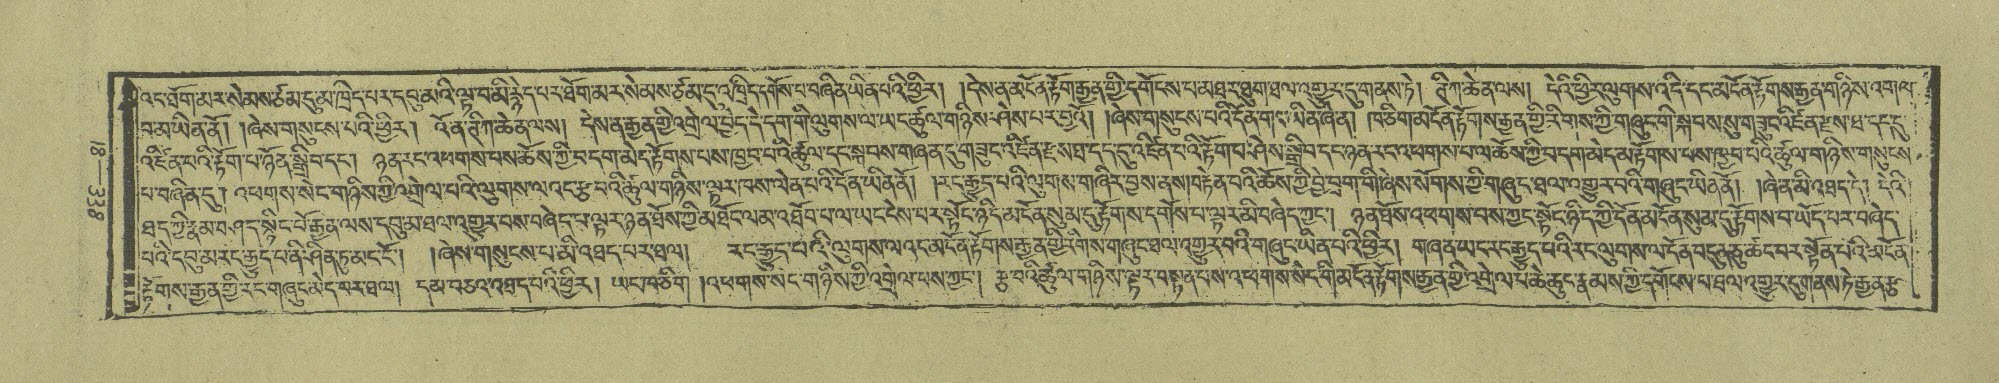འང་ཐོག་མར་སེམས་ཙམ་དུ་མ་ཁྲིད་པར་དབུ་མའི་ལྟ་བ་མི་རྙེད་པར་ཐོག་མར་སེམས་ཙམ་དུ་འཁྲིད་དགོས་པ་བཞིན་ཡིན་པའི་ཕྱིར། །དེས་ན་མངོན་རྟོག་རྒྱན་གྱི་དགོངས་པ་མཐར་ཐུག་ཐལ་འགྱུར་དུ་གནས་ཏེ། ཊིཀ་ཆེན་ལས། དེའི་ཕྱིར་ལུགས་འདི་དང་མངོན་རྟོགས་རྒྱན་གཉིས་འགལ་
བ་མ་ཡིན་ནོ། །ཞེས་གསུངས་པའི་ཕྱིར། འོ་ན་ཊིཀ་ཆེན་ལས། དེས་ན་རྒྱན་གྱི་འགྲེལ་བྱེད་དེ་དག་གི་ལུགས་ལ་ཡང་ཚུལ་གཉིས་ཤེས་པར་བྱའོ། །ཞེས་གསུངས་པའི་དོན་གང་ཡིན་ཞེ་ན། ཁ་ཅིག་མངོན་རྟོགས་རྒྱན་གྱི་རིགས་ཀྱི་གཞུང་གི་སྐབས་སུ་གཞུང་འཛིན་རྫས་ཐ་དད་དུ་
འཛིན་པའི་རྟོག་པ་ཉོན་སྒྲིབ་དང་། ཉན་རང་འཕགས་པས་ཆོས་ཀྱི་བདག་མེད་རྟོགས་པས་ཁྱབ་པའི་ཚུལ་དང་སྐབས་གཞན་དུ་གཟུང་འཛིན་རྫས་ཐ་དད་དུ་འཛིན་པའི་རྟོག་པ་ཤེས་སྒྲིབ་དང་ཉན་རང་འཕགས་པ་ལ་ཆོས་ཀྱི་བདག་མེད་མ་རྟོགས་པས་ཁྱབ་པའི་ཚུལ་གཉིས་གསུངས་
པ་བཞིན་དུ། འཕགས་སེང་གཉིས་ཀྱི་འགྲེལ་བའི་ལུགས་ལའང་རྩ་བའི་ཚུལ་གཉིས་ལྟར་ཁས་ལེན་པའི་དོན་ཡིན་ནོ། །རང་རྒྱུད་པའི་ལུགས་གཞིར་བྱས་ནས། བརྟེན་པའི་ཆོས་ཀྱི་བྱེ་བྲག་གི་ཞེས་སོགས་ཀྱི་གཞུང་ཐལ་འགྱུར་བའི་གཞུང་ཡིན་ནོ། །ཞེ་ན་མི་འཐད་དེ། དེའི་
ཐད་ཀྱི་རྣམ་བཤད་སྙིང་པོ་རྒྱན་ལས་དབུ་མ་ཐལ་འགྱུར་བས་བཞེད་པ་ལྟར་ཉན་ཐོས་ཀྱི་མཐོང་ལམ་འཐོབ་པ་ལ་ཡང་ངེས་པར་སྟོང་ཉིད་མངོན་སུམ་དུ་རྟོགས་དགོས་པ་ལྟར་མི་བཞེད་ཀྱང་། ཉན་ཐོས་འཕགས་པས་ཀྱང་སྟོང་ཉིད་ཀྱི་དོན་མངོན་སུམ་དུ་རྟོགས་པ་ཡོད་པར་བཞེད་
བའི་དབུ་མ་རང་རྒྱུད་པ་ནི་ཤིན་ཏུ་མང་ངོ། །ཞེས་གསུངས་པ་མི་འཐད་པར་ཐལ། རང་རྒྱུད་པའི་ལུགས་ལའང་མངོན་རྟོགས་རྒྱན་གྱི་རིགས་གཞུང་ཐལ་འགྱུར་བའི་གཞུང་ཡིན་པའི་ཕྱིར། གཞན་ཡང་རང་རྒྱུད་པའི་རང་ལུགས་ལ་དོན་བདུན་ཅུ་ཚང་བར་སྟོན་པའི་མངོན་
རྟོགས་རྒྱན་གྱི་རང་གཞུང་མེད་པར་ཐལ། དམ་བཅའ་འཐད་པའི་ཕྱིར། ཡང་ཁ་ཅིག །འཕགས་སེང་གཉིས་ཀྱི་འགྲེལ་བས་ཀྱང་། རྩ་བའི་ཚུལ་གཉིས་ལྟར་བསྟན་པས་འཕགས་སེང་གི་མངོན་རྟོགས་རྒྱན་གྱི་འགྲེལ་བ་ཆེ་ཆུང་རྣམས་ཀྱི་དགོངས་པ་ཐལ་འགྱུར་དུ་གནས་ཏེ་རྒྱན་རྩ་